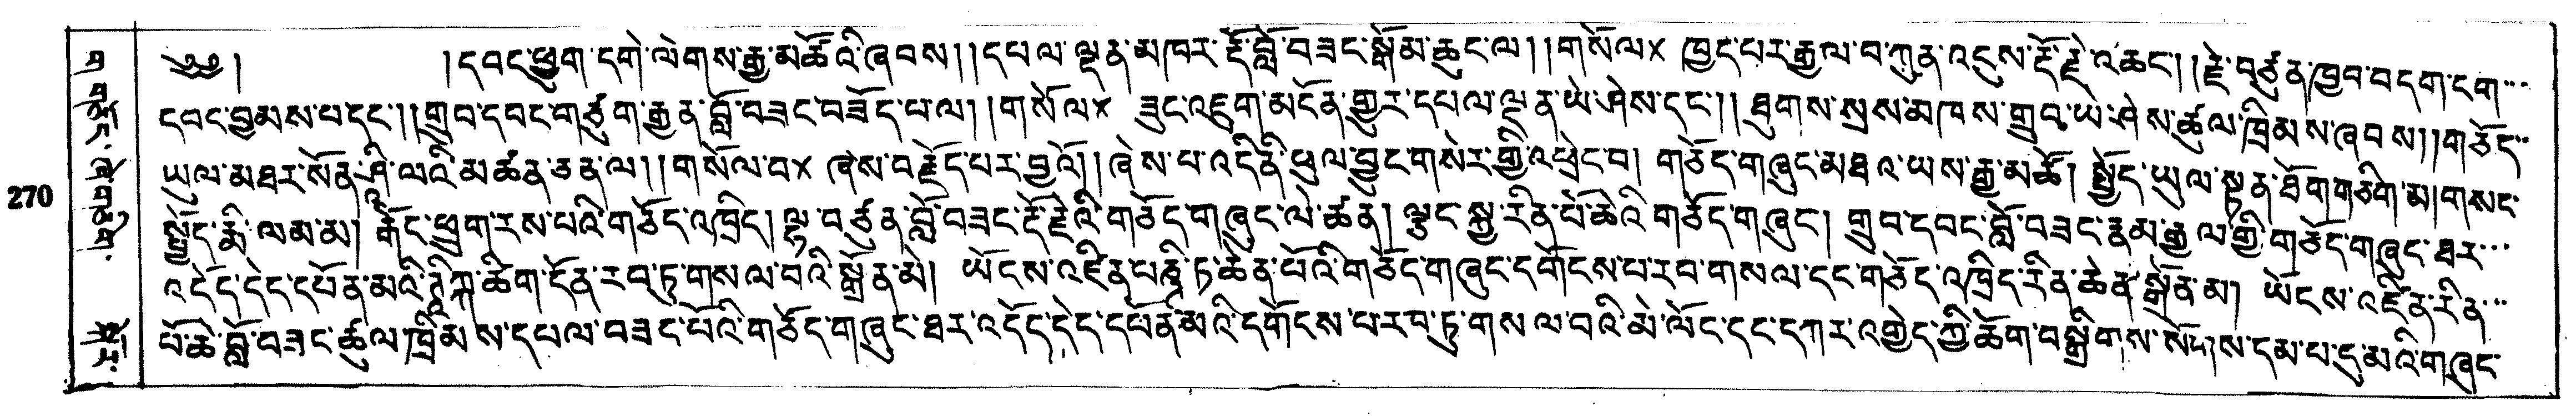༄༅། །དབང་ཕྱུག་དགེ་ལེགས་རྒྱ་མཚོའི་ཞབས། །དཔལ་ལྡན་མྷ་དོ་བློ་བཟང་སྒོམ་ཆུང་ལ། །གསོལ་྾་ཁྱད་པར་རྒྱལ་བ་ཀུན་འདུས་རྡོ་རྗེ་འཆང་། །རྗེ་བཙུན་ཁྱབ་བདག་ངག་
དབང་བྱམས་པ་དང་། །གྲུབ་དབན་གཙུག་རྒྱན་བློ་བཟང་བཟོད་པ་ལ། །གསོལ་྾་ཟུང་འཇུག་ངོན་གྱུར་དཔལ་ལྡན་ཡེ་ཤེས་དང་། །ཐུགས་སྲས་མཁས་གྲུབ་ཡེ་ཤེས་ཚུལ་ཁྲིམས་ཞབས། །གཅོད་
ཡུལ་མཐར་སོན་ཤཱི་ལའི་མཚན་ཅན་ལ། །གསོལ་བ་྾་ཞེས་བརྗོད་པར་བྱའོ། །ཞེས་པ་འདི་ནི་ཕུལ་བྦྱུང་གསེར་གྱི་འཕྲེང་བ། གཅོད་གཟུང་མཐའ་ཡས་རྒྱ་མཚོ། །སྤྱོད་ཡུལ་སྟན་ཐོག་གཅིག་མ། གསང་
སྤྱོད་རྨི་ལམ་མ། རྒོད་ཕྲུག་རས་པའི་གཅོད་འཁྲིད། ལྷ་བཙུན་བློ་བཟང་རྡོ་རྗེའི་གཅོད་གཞུང་ལེ་ཚན། ལྕང་སྐྱ་རིན་པོ་ཆེའི་གཅོད་གཞུང་། གྲུབ་དབང་བློ་བཟང་རྣམ་རྒྱལ་གྱི་གཅོད་གཞུང་ཐར་
འདོད་དེད་དཔོན་མའི་ཊཱིཀཀ་ཚིག་དོན་རབ་ཏུ་གསལ་བའི་སྒྲོན་མི། ཡོངས་འཛིན་པཎྜི་ཏ་ཆེན་པོའི་གཅོད་གཞུང་དོངས་པ་རབ་གསལ་དང་ཅོད་འཁྲིད་རིན་ཆེན་སྒྲོན་མ། ཡོངས་འཛིན་རིན་
པོ་ཆེ་བློ་བཟང་ཚུལ་ཁྲིམས་དཔལ་བཟང་པོའི་གཅོད་གཞུང་ཐར་འདོད་དེད་དཔོན་མའི་དགོངས་པ་རབ་ཏུ་གསལ་བའི་མེ་ལོང་དང་དཀར་འགྱེད་ཀྱི་ཆོག་བསྒྲིགས་སོགས་དམ་པ་དུ་མའི་གཞུང་